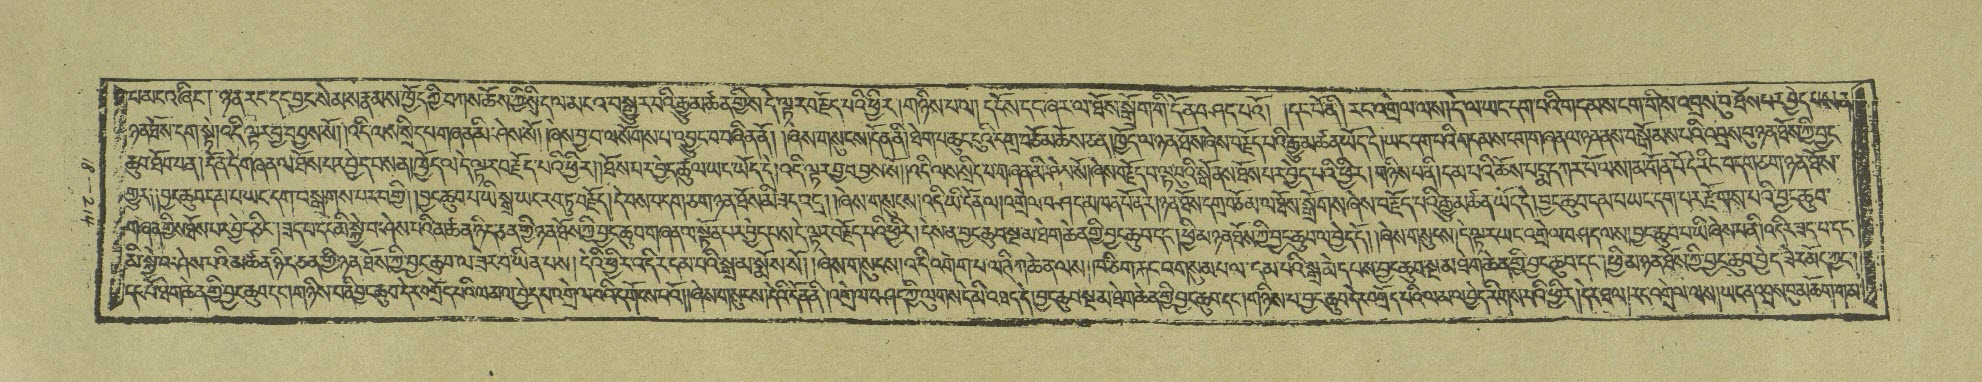པ་མངའ་ཞིང་། ཉན་རང་དང་བྱང་སེམས་རྣམས་ཁྱོད་ཀྱི་བཀས་ཆོས་ཀྱི་སྲིད་ལ་མངའ་བསྒྱུར་བའི་རྒྱུ་མཚན་གྱིས་དེ་ལྟར་བརྗོད་པའི་ཕྱིར། གཉིས་པ་ལ། དངོས་དང་ཞར་ལ་ཐོས་སྒྲོག་གི་དོན་བཤད་པའོ། །དང་པོ་ནི། རང་འགྲེལ་ལས། དེ་ལ་ཡང་དག་པའི་གདམས་ངག་གིས་འབྲས་བུ་ཐོས་པར་བྱེད་པས་ན་
ཉན་ཐོས་དག་སྟེ། འདི་ལྟར་བྱ་བ་བྱས་སོ། །འདི་ལས་སྲིད་པ་གཞན་མི་ཤེས་སོ། །ཞེས་བྱ་བ་ལ་སོགས་པ་འབྱུང་བ་བཞིན་ནོ། །ཞེས་གསུངས། དོན་ནི། ཐེག་པ་ཆུང་ངུའི་དགྲ་བཅོམ་ཆོས་ཅན། ཁྱོད་ལ་ཉན་ཐོས་ཞེས་བརྗོད་པའི་རྒྱུ་མཚན་ཡོད་དེ། ཡང་དག་པའི་གདམས་ངག་གཞན་ལ་ཉན་ནས་བསྒོམས་པའི་འབྲས་བུ་ཉན་ཐོས་ཀྱི་བྱང་
ཆུབ་ཐོབ་པ་ན། དོན་དེ་གཞན་ལ་ཐོས་པར་བྱེད་པས་ན། ཁྱོད་ལ་དེ་ལྟར་བརྗོད་པའི་ཕྱིར། །ཐོས་པར་བྱེད་ཚུལ་ཡང་ཡོད་དེ། འདི་ལྟར་བྱ་བ་བྱས་སོ། །འདི་ལས་སིད་པ་གཞན་མི་ཤེས་སོ། ཞེས་བརྗོད་པ་ལྟ་བུའི་སྒོ་ནས་ཐོས་པར་བྱེད་པའི་ཕྱིར། གཉིས་པ་ནི། དམ་པའི་ཆོས་པདམ་དཀར་པོ་ལས། མགོན་པོ་དེ་རིང་བདག་ཅག་ཉན་ཐོས་
གྱུར། །བྱང་ཆུབ་དམ་པ་ཡང་དག་བསྒྲགས་པར་བགྱི། །བྱང་ཆུབ་པ་ཡི་སྒྲ་ཡང་རབ་ཏུ་བརྗོད། དེ་བས་བདག་ཅག་ཉན་ཐོས་མི་ཟད་འདྲ། །ཞེས་གསུངས། འདི་ཡི་དོན་ལ། འགྲེལ་བཤད་མཁན་པོ་ན་རེ། ཉན་ཐོས་དགྲ་བཅོམ་ལ་ཐོས་སྒྲོགས་ཞེས་བརྗོད་པའི་རྒྱུ་མཚན་ཡོད་དེ། བྱང་ཆུབ་དམ་པ་ཡང་དག་པར་རྫོགས་པའི་བྱང་ཆུབ་
གཞན་གྱིས་ཐོས་པར་བྱེད་ཅིང་། ཟད་པ་དང་མི་སྐྱེ་བ་ཤེས་པའི་མཚན་ཉིད་ཅན་གྱི་ཉན་ཐོས་ཀྱི་བྱང་ཆུབ་གཞན་ལ་སྟོན་པར་བྱེད་པས་དེ་ལྟར་བརྗོད་པའི་ཕྱིར། དེས་ན་བྱང་ཆུབ་སྔ་མ་ཐེག་ཆེན་གྱི་བྱང་ཆུབ་དང་། ཕྱི་མ་ཉན་ཐོས་ཀྱི་བྱང་ཆུབ་ལ་བྱེད་དོ། །ཞེས་གསུངས། དེ་ལྟར་ཡང་འགྲེལ་བཤད་ལས། བྱང་ཆུབ་པ་ཡི་ཞེས་པ་ནི། འདིར་ཟད་པ་དང་
མི་སྐྱེ་བ་ཤེས་པའི་མཚན་ཉིད་ཅན་གྱི་ཉན་ཐོས་ཀྱི་བྱང་ཆུབ་ལ་ཟེར་བ་ཡིན་པས། དེའི་ཕྱིར་འདིར་དམ་པའི་སྒྲ་མ་སྨོས་སོ། །ཞེས་གསུངས། འདི་འགོག་པ་ལ་ཊིཀ་ཆེན་ལས། ཁ་ཅིག་རྐང་པ་གསུམ་པ་ལ་དམ་པའི་སྒྲ་མེད་པས་བྱང་ཆུབ་སྔ་མ་ཐེག་ཆེན་གྱི་བྱང་ཆུབ་དང་། ཕྱི་མ་ཉན་ཐོས་ཀྱི་བྱང་ཆུབ་བྱེད་ཟེར་མོད་ཀྱང་།
དང་པོ་ཐེག་ཆེན་གྱི་བྱང་ཆུབ་དང་། གཉིས་པ་ནི་བྱང་ཆུབ་དེར་བགྲོད་པའི་ལམ་ལ་བྱེད་པ་འགྲེལ་བའི་དགོངས་པའོ། །ཞེས་གསུངས། དེའི་དོན་ནི། འགྲེལ་བཤད་ཀྱི་ལུགས་དེ་མི་འཐད་དེ། བྱང་ཆུབ་སྔ་མ་ཐེག་ཆེན་གྱི་བྱང་ཆུབ་དང་། གཉིས་པ་བྱང་ཆུབ་དེར་བགྲོད་པའི་ལམ་ལ་བྱེད་རིགས་པའི་ཕྱིར། དེར་ཐལ། རང་འགྲེལ་ལས། ཡང་ན་འབྲས་བུ་མཆོག་གམ་